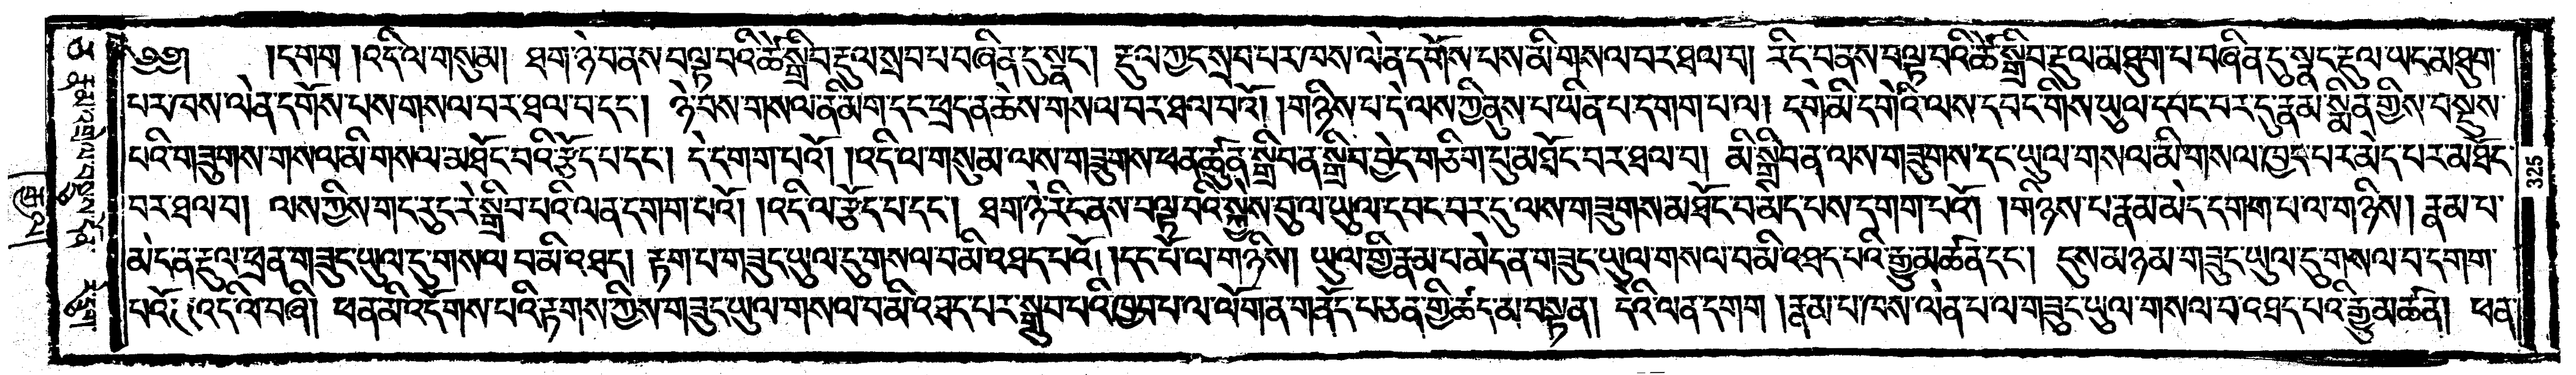༄༅། །དགག །འདི་ལ་གསུམ། ཐག་ཉེ་བ་ནས་བལྟ་བའི་ཚེ་སྒྲིབ་རྡུལ་སྲབ་པ་བཞིན་དུ་སྣང་། རྡུལ་ཀྱང་སྲབ་པར་ཁས་ལེན་དགོས་པས་མི་གསལ་བར་ཐལ་བ། རིང་བ་ནས་བལྟ་བའི་ཚེ་སྒྲིབ་རྡུལ་མཐུག་པ་བཞིན་དུ་སྣང་རྡུལ་ཡང་མཐུག་
པར་ཁས་ལེན་དགོས་པས་གསལ་བར་ཐལ་བ་དང་། ཉེ་བས་གསལ་ན་མིག་དང་ཕྲད་ན་ཆེས་གསལ་བར་ཐལ་བའོ། །གཉིས་པ་དེ་ལས་ཀྱི་ནུས་པ་ཡིན་པ་དགག་པ་ལ། དགེ་མི་དགེའི་ལས་དབང་གིས་ཡུལ་དབང་བར་དུ་རྣམ་སྨིན་གྱིས་བསྡུས་
པའི་གཟུགས་གསལ་མི་གསལ་མཐོང་བའི་རྩོད་པ་དང་། དེ་དགག་པའོ། །འདི་ལ་གསུམ་ལས་གཟུགས་ཕན་ཚུན་སྒྲིབ་ན་སྒྲིབ་བྱེད་གཅིག་པུ་མཐོང་བར་ཐལ་བ། མི་སྒྲིབ་ན་ལས་གཟུགས་དང་ཡུལ་གསལ་མི་གསལ་ཁྱད་པར་མེད་པར་མཐོང་
བར་ཐལ་བ། ལས་ཀྱིས་གང་རུང་རེ་སྒྲིབ་པའི་ལན་དགག་པའོ། །འདི་ལ་རྩོད་པ་དང་། ཐག་ཉེ་རིང་ནས་བལྟ་བའི་སྐྱེས་བུ་ལ་ཡུལ་དབང་བར་དུ་ལས་གཟུགས་མཐོང་བ་མེད་པས་དགག་པའོ། །གཉིས་པ་རྣམ་མེད་དགག་པ་ལ་གཉིས། རྣམ་པ་
མེད་ན་རྡུལ་ཕྲན་གཟུང་ཡུལ་དུ་གསལ་བ་མི་འཐད། རྟག་པ་གཟུང་ཡུལ་དུ་གསལ་བ་མི་འཐད་པའོ། །དང་པོ་ལ་གཉིས། ཡུལ་གྱི་རྣམ་པ་མེད་ན་གཟུང་ཡུལ་གསལ་བ་མི་འཐད་པའི་རྒྱུ་མཚན་དང་། དུས་མཉམ་གཟུང་ཡུལ་དུ་གསལ་བ་དགག་
པའོ། །འདི་ལ་བཞི། ཕན་མི་འདོགས་པའི་རྟགས་ཀྱིས་གཟུང་ཡུལ་གསལ་བ་མི་འཐད་པར་སྒྲུབ་པའི་ཁྱབ་པ་ལ་ལོག་ན་གནོད་པ་ཅན་གྱི་ཚད་མ་བསྟན། དེའི་ལན་དགག །རྣམ་པ་ཁས་ལེན་པ་ལ་གཟུང་ཡུལ་གསལ་བ་འཐད་པའི་རྒྱུ་མཚན། ཕན་